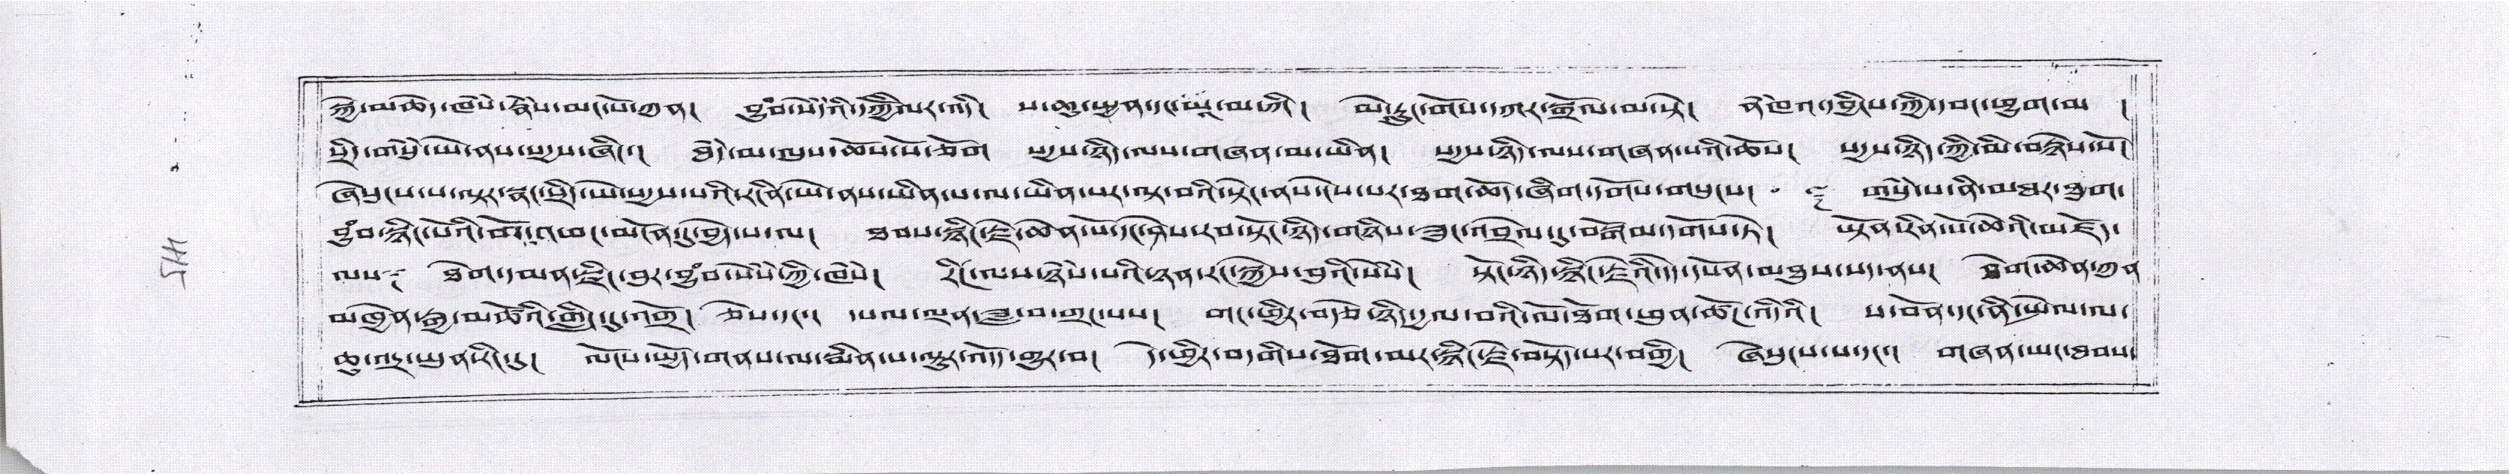སྐྱེ་མཆེད་ཁམས་རྣམས་མང་པོ་ཀུན། བྱང་ཆུབ་སེམས་དཔའི་དཀྱིལ་འཁོར་འདི། ས་ཆུ་སྤྱན་དང་མཱ་མ་ཀི མེ་རླུང་གོས་དཀར་སྒྲོལ་མ་སྟེ། ནམ་མཁའ་དབྱིངས་ཀྱི་དབང་ཕྱུག་མ། 
སྲིད་གསུམ་ཡེ་ནས་སངས་རྒྱས་ཤིང་། ཐམས་ཅད་མ་ལུས་ཆོས་སོ་ཆོག སངས་རྒྱས་ཉིད་ལས་གཞན་མ་ཡིན། སངས་རྒྱས་ཉིད་ལས་གཞན་པའི་ཆོས། སངས་རྒྱས་ཉིད་ཀྱིས་མི་བརྙེས་སོ། 
ཞེས་གསུངས་པ་ལྟར་སྣང་སྲིད་ཡེ་སངས་རྒྱས་པའི་རང་བཞིན་ཡེ་ནས་ཡིན་པ་ལ་ཡིན་པར་ལྟ་བའི་སྟེང་ནས་ངེས་པར་ཐག་ཆོད་ཅིག་དགོས་གསུངས། ༧ གསུམ་པ་ནི། མཐར་ཐུག་
བྱང་ཆུབ་སྙིང་པོའི་གོ་འཕང་མངོན་དུ་བྱེད་པ་ལ། ཐབས་སྙིང་རྗེ་ཆེན་པོ་དང་ཤེས་རབ་སྟོང་ཉིད་གཉིས་ཟུང་འབྲེལ་དུ་བསྒོམ་དགོས་ཏེ། ཡོན་ཏན་རིན་པོ་ཆེའི་མཛོད་
ལས། ཐེག་དམན་རྫིང་བུར་བྱང་ཆུབ་སེམས་ཀྱི་ཁམས། རིགས་ལས་ཉམས་པའི་ཉན་རང་སྐྱེས་བུའི་སེམས། སྟོང་ཉིད་སྙིང་རྗེའི་དེད་དཔོན་མཐུས་སད་ནས། ཐེག་ཆེན་ཀུན་
མཁྱེན་རྒྱ་མཚོའི་གླིང་དུ་འགྲོ། ཅེས་དང་། དཔལ་ལྡན་ཟླ་བ་གྲགས་པས། གང་ཕྱིར་བརྩེ་ཉིད་རྒྱལ་བའི་ལོ་ཏོག་ཕུན་ཚོགས་འདིའི། ས་བོན་དང་ནི་སྤེལ་ལ་
ཆུ་འདྲ་ཡུན་རིང་དུ། ལོངས་སྤྱོད་གནས་ལ་སྨིན་པ་ལྟ་བུ་འདོད་གྱུར་པ། དེ་ཕྱིར་བདག་གིས་ཐོག་མར་སྙིང་རྗེ་བསྟོད་པར་བགྱི། ཞེས་གསུངས་པ་དང་། གཞན་ཡང་ཐབས་